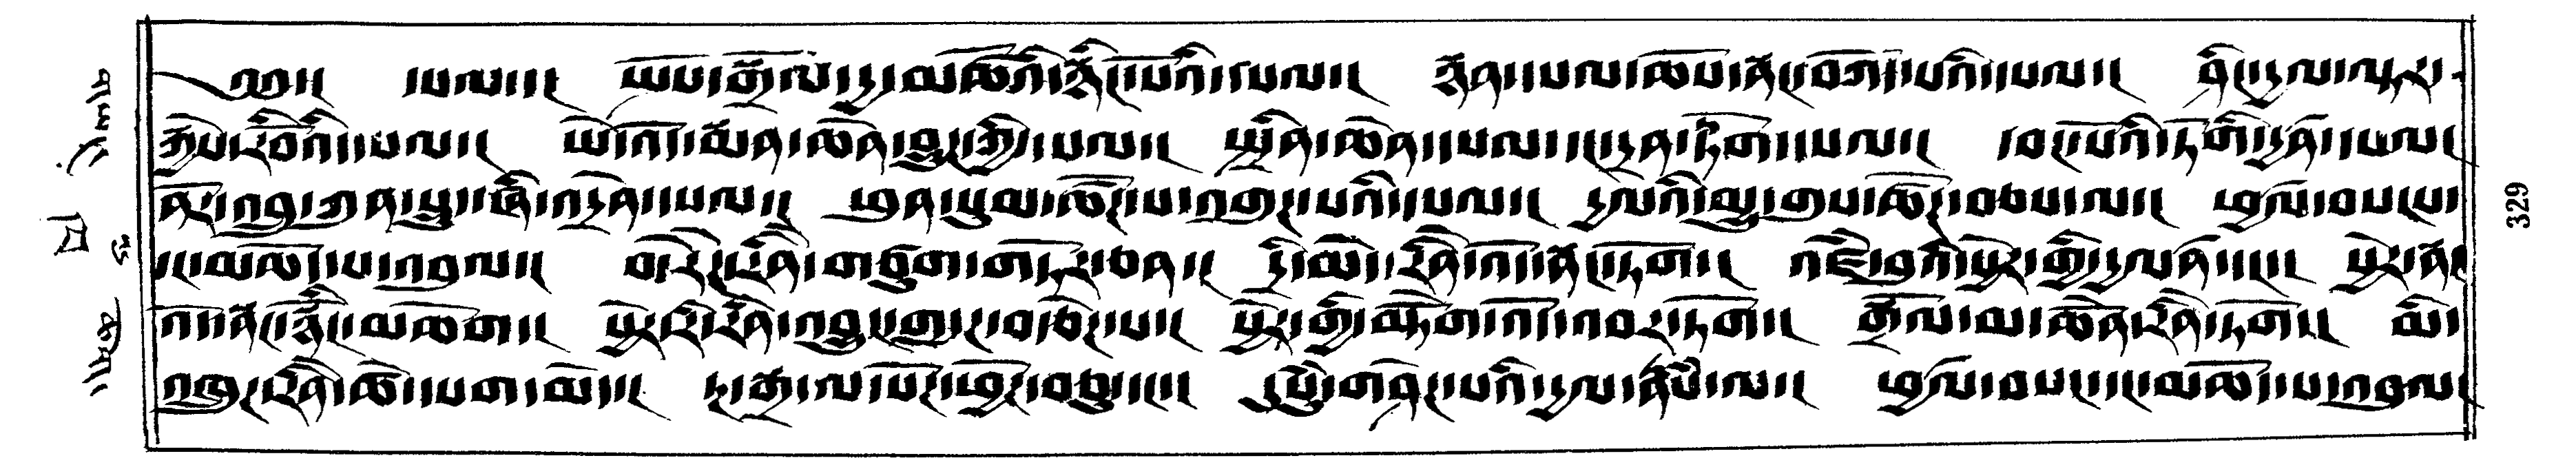དཔལ། །སྤོས་སྒྲོལ་རྒྱ་མཚོའི་སྙིང་པོའི་དཔལ། །སྙན་དཔལ་ཆོས་སྣང་བཀོད་པའི་དཔལ། །ཤིང་རྒྱལ་ལྟར་
སྐྱེས་རི་བོའི་དཔལ། །ཡེ་འོད་སྨན་ཆེན་ཤུགས་ཀྱི་དཔལ། །སྤྲིན་ཆེན་དཔལ་དང་དྲན་རྟོག་དཔལ། །དབང་པོའི་ཏོག་གི་རྒྱལ་མཚན་དཔལ། །
ནོར་འབྲུ་ཀུན་སྡུད་ཞི་འདྲེན་དཔལ། །ཕུན་སུམ་ཚོགས་པ་འགུགས་པའི་དཔལ། །རྒྱལ་པོའི་མྱུ་གུའི་ཚོགས་བཅས་ལ། །ཕྱག་འཚལ་བསང་
དང་མཆོད་པ་འབུལ། །བདེ་གཤེགས་རིན་ཆེན་གཙུག་ཏོར་ཅན། །དྲི་མེད་རིན་ཆེན་འོད་སྣང་ཏོག།འཛམ་བུའི་གསེར་གྱི་རྒྱལ་མཚན་དང་། གསེར་སྣང་
འོད་སྣང་སྙིང་པོ་མཆོག །གསེར་རི་རིན་འབྱུང་གདུགས་བརྩེགས་པ། །གསེར་གྱི་མེ་ཏོག་འོད་འབར་ཏོག །སྒྲོལ་མ་ཆེན་པོ་རིན་ཆེན་ཏོག །མི་
འཁྲུགས་རིན་ཆེན་ཚེ་དཔག་མེད། །རྔ་སྒྲ་ལ་སོགས་ཕྱོགས་བཅུ་དང་། །དུས་གསུམ་གཤེགས་པའི་རྒྱལ་རྣམས་ལ། །ཕྱག་འཚལ་བསང་དང་མཆོད་པ་འབུལ། །